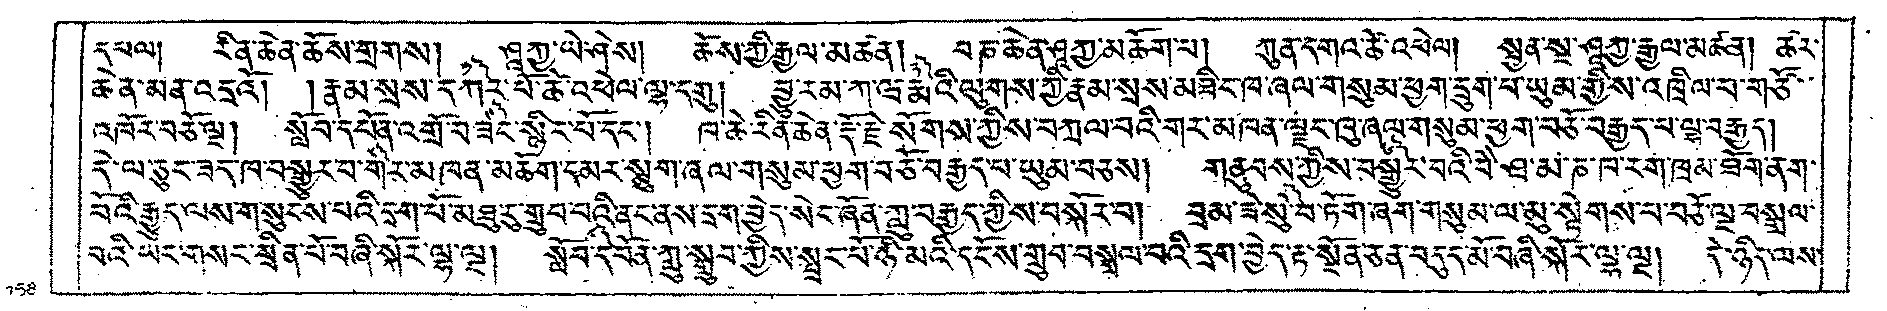དཔལ། རིན་ཆེན་ཆོས་གྲགས། ༡}་ཤཱཀྱ་ཡེ་ཤེས། ཆོས་ཀྱི་རྒྱལ་མཚན། ༢}་པཎ་ཆེན་ཤཱཀྱ་མཆོག་པ། ཀུན་དགའ་ཚེ་འཕེལ། སྤྱན་སྔ་ཤཱཀྱ་རྒྱལ་མཚན། ཚར་
ཆེན་མན་འདྲའོ། །རྣམ་སྲས་དཀར་པོ་ཚེ་འཕེལ་ལྷ་དགུ །བྱུ་རམ་ཀ་ཝ་རྨའི་ལུགས་ཀྱི་རྣམ་སྲས་མཐིང་ཁ་ཞལ་གསུམ་ཕྱག་དྲུག་པ་ཡུམ་གྱིས་འཁྲིལ་བ་གཙོ་
འཁོར་བཅོ་ལྔ། སློབ་དཔོན་འགྲོ་བཟང ༤?་སྙིང་པོ་དང་། ཁ་ཆེ་རིན་ཆེན་རྡོ་རྗེ་སོགས་ཀྱིས་བཀྲལ་བའི་གར་མཁན་ལྗང་ཁུ་ཞལ་གསུམ་ཕྱག་བཅོ་བརྒྱད་པ་ལྷ་བརྒྱད།
དེ་ལ་ཅུང་ཟད་ཁ་བསྒྱུར་བ་གར ༥?་མཁན་མཆོག་དམར་སྨུག་ཞལ་གསུམ་ཕྱག་བཅོ་བརྒྱད་པ་ཡུམ་བཅས། གནུབས་ཀྱིས་བསྒྱུར་བའི་བཻ་ཤྲ་མ་ཎ་ཁ་རག་ཁྲམ་ཐོག་ནག་
པོའི་རྒྱུད་ལས་གསུངས་པའི་དྲག་པོ་མཐུ་རུ་གྲུབ་པའི་ནང་ནས་དྲག་བྱེད་སེང་ཞོན་ཀླུ་བརྒྱད་ཀྱིས་བསྐོར་བ། བྲམ་ཟེ་སུ ༨?་བ་ཏོག་ཞག་གསུམ་ལ་མུ་སྟེགས་པ་བཅོ་ལྔ་བསྒྲལ་
བའི་ཡང་གསང་སྲིན་པོ་བཞི་སྐོར་ལྷ་ལྔ། སློབ་དཔོན་ཀླུ་སྒྲུབ་ཀྱིས་སྤྲང་པོ་ཉི་མའི་དངོས་གྲུབ་བསྒྲལ་བའི་དྲག་བྱེད་རྟ་སྔོན་ཅན་བདུད་མོ་བཞི་སྐོར་ལྷ་ལྔ། དེ་ཉིད་ལས་